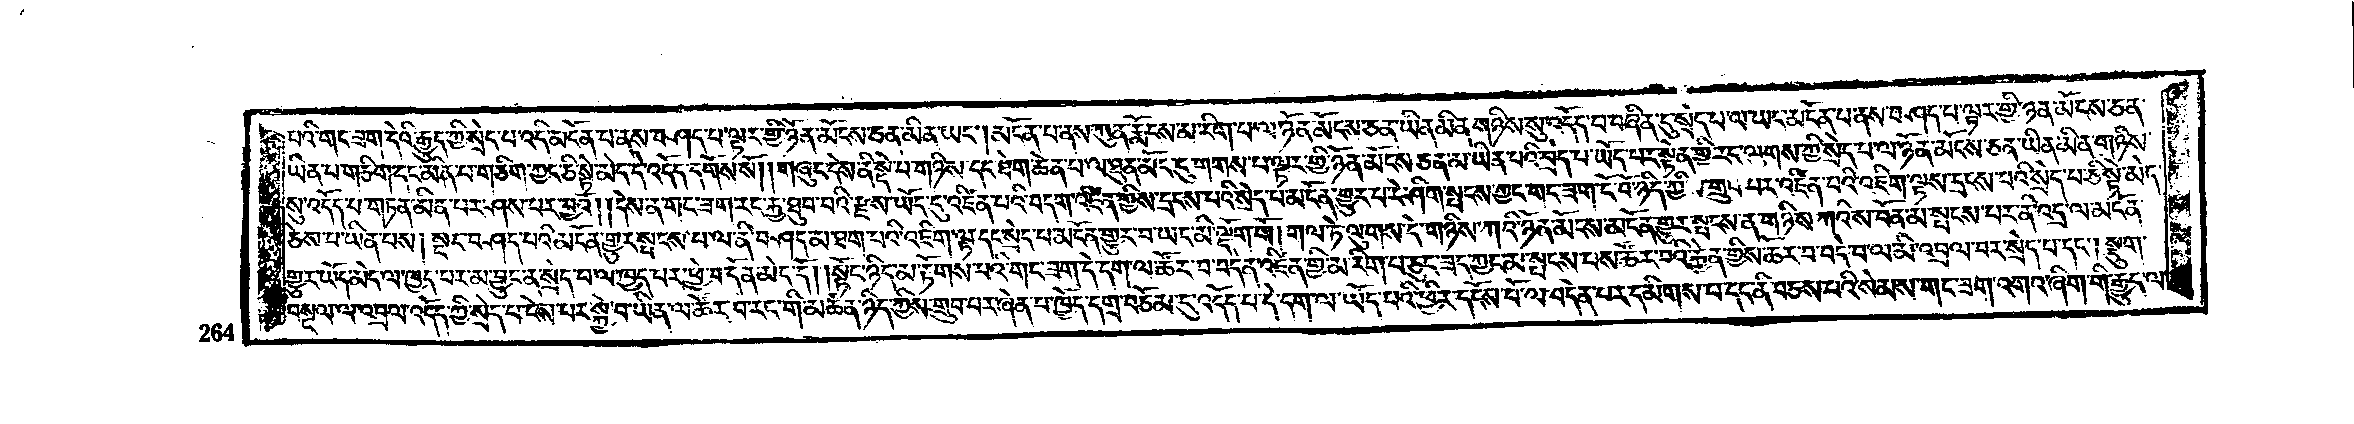པའི་གང་ཟག་དེའི་རྒྱུད་ཀྱི་སྲིད་པ་འདི་མགོན་པ་ནས་བཤད་པ་ལྟར་གྱི་ཉོན་མོངས་ཅན་མིན་ཡང་། མངོན་པ་ནས་ཀུན་རྨོངས་མ་རིག་པ་ལ་ཉོན་མོངས་ཅན་ཡིན་མིན་གཉིས་སུ་འདོད་པ་བཞིན་དུ་སྲེད་པ་ལ་ཡང་མངོན་པ་ནས་བཤད་པ་ལྟར་གྱི་ཉན་མོངས་ཅན་
ཡིན་པ་གཅིག་དང་མིན་པ་གཅིག་ཀྱང་ཅི་སྟེ་མེད་དེ་འདོད་དགོས་སོ། །གཞུང་དེས་ནི་སྡེ་པ་གཉིས་དང་ཐེག་ཆེན་པ་ལ་ཐུན་མོང་དུ་གགས་པ་ལྟར་གྱི་ཉོན་མོངས་ཅན་མ་ཡིན་པའི་བྲེད་པ་ཡོད་པར་སྟོན་གྱི་རང་ལུགས་ཀྱི་སྲེད་པ་ལ་ཉོན་མོངས་ཅན་ཡིན་མིན་གཉིས་
སུ་འདོད་པ་གཏན་མིན་པར་ཤེས་པར་བྱའོ། །དེས་ན་གང་ཟག་རང་རྐྱ་ཐུབ་པའི་རྫས་ཡོད་དུ་འཛིན་པའི་བདག་འཛིན་གྱིས་དྲངས་པའི་སྲེད་པ་མངོན་གྱུར་པ་རེ་ཤིག་སྤངས་ཀྱང་གང་ཟག་ངོ་བོ་ཉིད་ཀྱིས་གྲུབ་པར་འཛིན་པའི་འཇིག་ལྟས་དྲངས་པའི་སྲེད་པ་ཅི་སྟེ་མེད་
ཅེས་པ་ཡིན་པས། སྔར་བཤད་པའི་མངོན་གྱུར་སྤངས་པ་ལ་ནི་བཤད་མ་ཐག་པའི་འཇིག་ལྟ་དང་སྲེད་པ་མངོན་གྱུར་པ་ཡང་མི་ལྡོག་གོ །གལ་ཏེ་ལུགས་དེ་གཉིས་ཀའི་ཉོན་མོངས་མངོན་གྱུར་སྤངས་ན་གཉིས་ཀའི་ས་བོན་མ་སྤངས་པར་མི་འདྲ་ལ་མངོན་
གྱུར་ཡོད་མེད་ལ་ཁྱད་པར་མ་བྱུང་ན་སྲེད་པ་ལ་ཁྱད་པར་ཕྱེ་བ་དོན་མེད་དོ། །སྟོང་ཉིད་མ་རྟོགས་པའི་གང་ཟག་དེ་དག་ལ་ཚོར་བ་བདེན་འཛིན་གྱི་མ་རིག་པ་ཅུང་ཟད་ཀྱང་མ་སྤངས་པས་ཚོར་བའི་རྐྱེན་གྱིས་ཚོར་བ་བདེ་བ་ལ་མི་འབྲལ་བར་སྲེད་པ་དང་། སྡུག་
བསྔལ་ལ་འབྲལ་འདོད་ཀྱི་སྲེད་པ་ངེས་པར་སྐྱེ་བ་ཡིན་ལ་ཚེར་བ་རང་གི་མཚན་ཉིད་ཀྱིས་གྲུབ་པར་ཞེན་པ་ཁྱོད་དགྲ་བཅོམ་དུ་འདོད་པ་དེ་དག་ལ་ཡོད་པའི་ཕྱིར་དངོས་པོ་ལ་བདེན་པར་དམིགས་པ་དང་ནི་བཅས་པའི་སེམས་གང་ཟག་འགའ་ཞིག་གི་རྒྱུད་ལ་